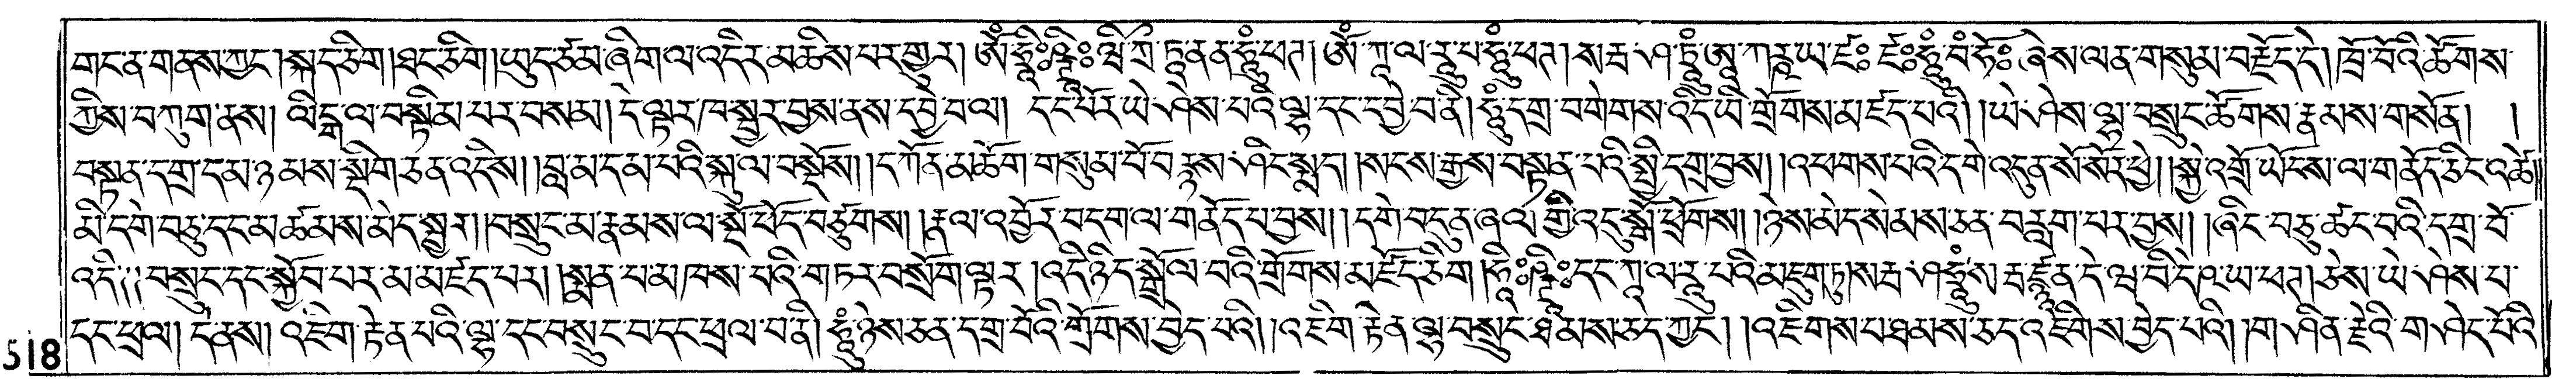གང་ན་གནས་ཀྱང་། སྐད་ཅིག །ཐང་ཅིག །ཡུད་ཙམ་ཞིག་ལ་འདིར་མཆིས་པར་གྱུར། ཨོཾ་ཧྲཱིཿ ཥྚྲཱིཿ ཝི་ཀྲྀ་ཏཱ་ནན་ཧཱུཾ་ཕཊ། ཨོཾ་ཀཱ་ལ་རཱུ་པ་ཧཱུཾ་ཕཊ། སརྦ་ཤ་ཏྲཱུཾ་ཨཱ་ཀརྵ་ཡ་ཛཿ ཛཿ ཧཱུཾ་བཾ་ཧོཿ ཞེས་ལན་གསུམ་བརྗོད་དེ། ཁྲོ་བོའི་ཚོགས་
ཀྱིས་བཀུག་ནས། ལིངྒ་ལ་བསྟིམ་པར་བསམ། དེ་ལྟར་ཁ་སྦྱར་བྱས་ནས་དབྱེ་བ་ལ། དང་པོར་ཡེ་ཤེས་པའི་ལྷ་དང་དབྱེ་བ་ནི། ཧཱུཾ་དགྲ་བགེགས་འདི་ཡི་གྲོགས་མཛད་པའི། །ཡེ་ཤེས་ལྷ་བསྲུང་ཚོགས་རྣམས་གསོན། །
བསྟན་དགྲ་དམ་ཉམས་སྡིག་ཅན་འདིས། །བླ་མ་དམ་པའི་སྐུ་ལ་བསྡོས། །དཀོན་མཆོག་གསུམ་པོ་བརྙས་ཤིང་སྨད། །སངས་རྒྱས་བསྟན་པའི་སྤྱི་དགྲ་བྱས། །འཕགས་པའི་དགེ་འདུན་སོ་སོར་ཕྱེ། །སྐྱེ་འགྲོ་ཡོངས་ལ་གནོད་ཅིང་འཚེ།།
མི་དགེ་བཅུ་དང་མཚམས་མེད་སྦྱར། །བསྲུང་མ་རྣམས་ལ་སྔོ་ཕོད་བཙུགས། །རྣལ་འབྱོར་བདག་ལ་གནོད་པ་བྱས། །དགེ་བདུན་ཞལ་གྱི་འདུ་སྒོ་ཕྲོགས། །ཉེས་མེད་སེམས་ཅན་བརླག་པར་བྱས། །ཞིང་བཅུ་ཚང་བའི་དགྲ་བོ་
འདི༑ ༑བསྲུང་དང་སྐྱོབ་པར་མ་མཛད་པར། །སྨན་པ་མཁས་པའི་གཏར་བསྲོག་ལྟར། འདི་ཉིད་སྒྲོལ་བའི་གྲོགས་མཛོད་ཅིག །ཧཱིཿ ཥྚྲཱིཿ དང་ཀཱ་ལ་རཱུ་པའི་མཇུག་ཏུ། སརྦ་ཤཧྲཱུཾ་སརྦ་ཛྙཱ་ན་དེ་ཝ་བི་དེ་ཥ་ཡ་ཕཊ། ཅེས་ཡེ་ཤེས་པ་
དང་ཕྲལ། དེ་ནས། འཇིག་རྟེན་པའི་ལྷ་དང་བསྲུང་བ་དང་ཕྲལ་བ་ནི། ཧཱུཾ་ཉེས་ཅན་དགྲ་བོའི་གྲོགས་བྱེད་པའི། །འཇིག་རྟེན་ལྷ་བསྲུང་ཐམས་ཅད་ཀྱང་། །འཇིགས་པ་ཐམས་ཅད་འཇིགས་བྱེད་པའི། །གཤིན་རྗེའི་གཤེད་པོའི་